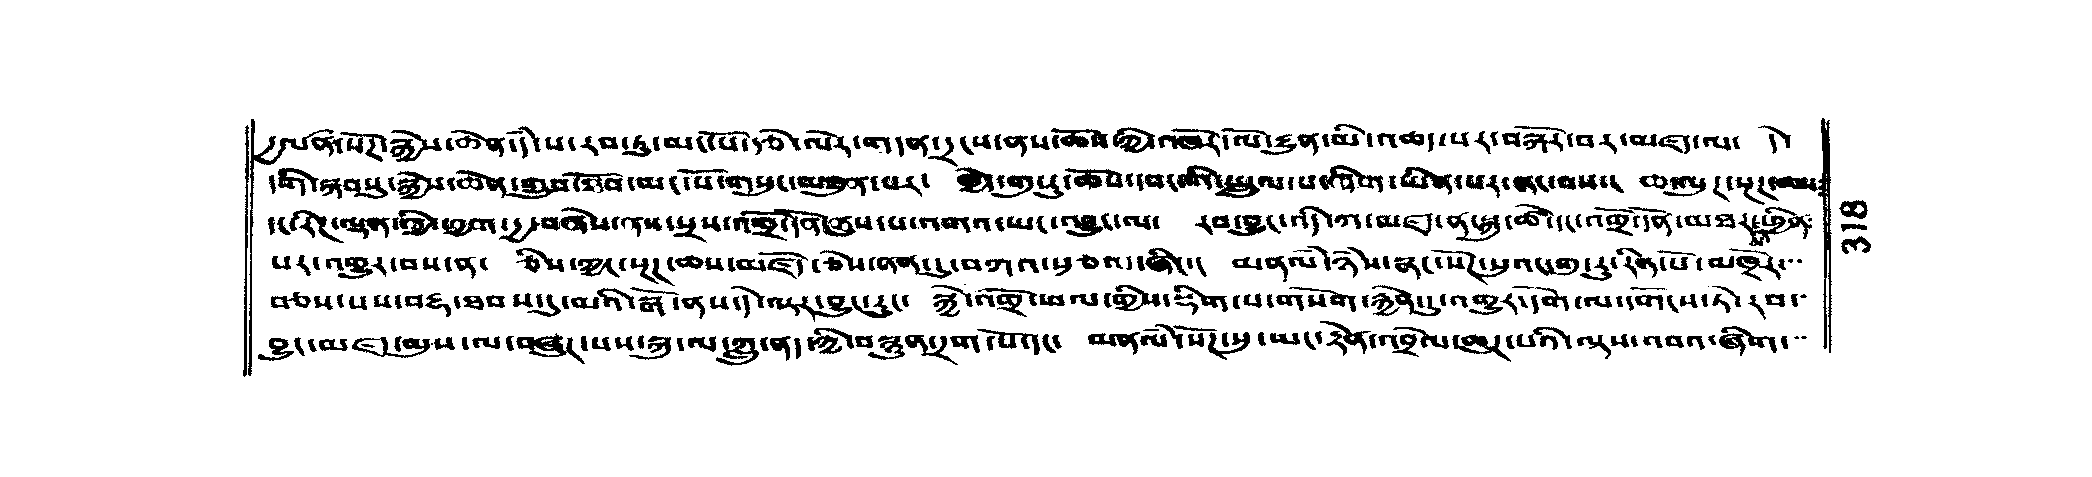རྒྱལ་མཚན་སོགས་སྐྱེས་ཆེན་དམ་པ་རབ་ཏུ་མང་པོ་རྩེ་ལེར་གདན་དྲངས་ནས་ཆོས་ཀྱི་འཁོར་ལོ་རྒྱུན་མི་ཆད་པར་བསྐོར་བར་མཛད་ལ། དེ་
དག་གི་སྐབས་སུ་སྐྱེས་ཆེན་གྲུབ་ཐོབ་མང་པོ་གསུང་མཐུན་པར། ཁྱེད་གུ་རུ་ཆོས་དབང་གི་སྤྲུལ་པ་ཞིག་ཡིན་པར་སྣང་བས། ཆ་ལུགས་སྔགས་ཆས་
དང་རིགས་ལྡན་གྱི་ཕྱག་རྒྱ་བཞེས་ནས་སྲས་འགྲོ་དོན་ནུས་པ་འགའ་ཡང་འབྱུང་ལ། རབ་འབྱུང་འདི་ཀ་མཛད་ན་སྐུ་ཚེ་དང་འགྲོ་དོན་མཐར་མི་ཕྱིན་
པར་འགྱུར་བས་ན། ཅིས་ཀྱང་སྔགས་ཆས་མཛོད་ཅེས་ནན་དུ་བཀའ་བསྩལ་ཞིང་། མནལ་ལམ་ཉམས་སྣང་སོགས་སུའང་གུ་རུ་རིན་པོ་མཁའ་འགྲོར་
བཅས་པས་བརྡ་ཐབས་དུ་མའི་སྒོ་ནས་དེ་ལྟར་བྱུང་རུང་། སྐྱེ་འགྲོ་ཕལ་གྱིས་སྡིག་པ་གསོག་རྐྱེན་དུ་འགྱུར་དོགས་ལ་དགོངས་ཏེ་རབ་
བྱུང་མཛད་མུས་ལ་བཞུགས་པས་སྐུ་ལ་ཀླུ་ནད་ཀྱི་བསྙུན་དྲག་པོ་དང་།མནལ་ལམ་སོགས་སུ་ཡང་རྟེན་འབྲེལ་ཆུགས་པའི་ལྟས་འབའ་ཞིག་